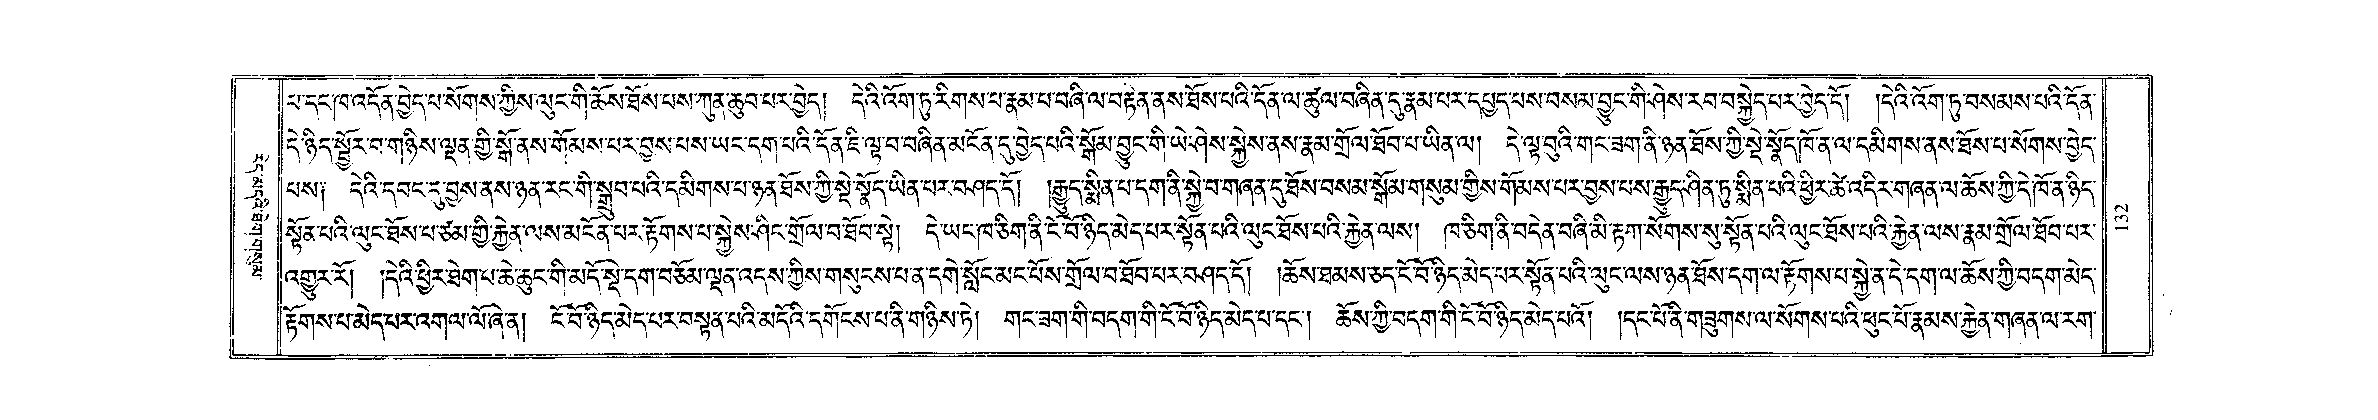པ་དང་ཁ་འདོན་བྱེད་པ་སོགས་ཀྱིས་ལུང་གི་ཆོས་ཐོས་པས་ཀུན་ཆུབ་པར་བྱེད། དེའི་འོག་ཏུ་རིགས་པ་རྣམ་པ་བཞི་ལ་བརྟེན་ནས་ཐོས་པའི་དོན་ལ་ཚུལ་བཞིན་དུ་རྣམ་པར་དཔྱད་པས་བསམ་བྱུང་གི་ཤེས་རབ་བསྐྱེད་པར་བྱེད་དོ། །དེའི་འོག་ཏུ་བསམས་པའི་དོན་
དེ་ཉིད་སྦྱོར་བ་གཉིས་ལྡན་གྱི་སྒོ་ནས་གོམས་པར་བྱས་པས་ཡང་དག་པའི་དོན་ཇི་ལྟ་བ་བཞིན་མངོན་དུ་བྱེད་པའི་སྒོམ་བྱུང་གི་ཡེ་ཤེས་སྐྱེས་ནས་རྣམ་གྲོལ་ཐོབ་པ་ཡིན་ལ། དེ་ལྟ་བུའི་གང་ཟག་ནི་ཉན་ཐོས་ཀྱི་སྡེ་སྣོད་ཁོ་ན་ལ་དམིགས་ནས་ཐོས་པ་སོགས་བྱེད་
པས༑ དེའི་དབང་དུ་བྱས་ནས་ཉན་རང་གི་སྒྲུབ་པའི་དམིགས་པ་ཉན་ཐོས་ཀྱི་སྡེ་སྣོད་ཡིན་པར་བཤད་དོ། །རྒྱུད་སྨིན་པ་དག་ནི་སྐྱེ་བ་གཞན་དུ་ཐོས་བསམ་སྒོམ་གསུམ་གྱིས་གོམས་པར་བྱས་པས་རྒྱུད་ཤིན་ཏུ་སྨིན་པའི་ཕྱིར་ཚེ་འདིར་གཞན་ལ་ཆོས་ཀྱི་དེ་ཁོ་ན་ཉིད་
སྟོན་པའི་ལུང་ཐོས་པ་ཙམ་གྱི་རྐྱེན་ལས་མངོན་པར་རྟོགས་པ་སྐྱེས་ཤིང་གྲོལ་བ་ཐོབ་སྟེ། དེ་ཡང་ཁ་ཅིག་ནི་ངོ་བོ་ཉིད་མེད་པར་སྟོན་པའི་ལུང་ཐོས་པའི་རྐྱེན་ལས། ཁ་ཅིག་ནི་བདེན་བཞི་མི་རྟག་སོགས་སུ་སྟོན་པའི་ལུང་ཐོས་པའི་རྐྱེན་ལས་རྣམ་གྲོལ་ཐོབ་པར་
འགྱུར་རོ། །དེའི་ཕྱིར་ཐེག་པ་ཆེ་ཆུང་གི་མདོ་སྡེ་དག་བཅོམ་ལྡན་འདས་ཀྱིས་གསུངས་པ་ན་དགེ་སློང་མང་པོས་གྲོལ་བ་ཐོབ་པར་བཤད་དོ། །ཆོས་ཐམས་ཅད་ངོ་བོ་ཉིད་མེད་པར་སྟོན་པའི་ལུང་ལས་ཉན་ཐོས་དག་ལ་རྟོགས་པ་སྐྱེ་ན་དེ་དག་ལ་ཆོས་ཀྱི་བདག་མེད་
རྟོགས་པ་མེད་པར་འགལ་ལོ་ཞེ་ན། ངོ་བོ་ཉིད་མེད་པར་བསྟན་པའི་མདོའི་དགོངས་པ་ནི་གཉིས་ཏེ། གང་ཟག་གི་བདག་གི་ངོ་བོ་ཉིད་མེད་པ་དང་། ཆོས་ཀྱི་བདག་གི་ངོ་བོ་ཉིད་མེད་པའོ། །དང་པོ་ནི་གཟུགས་ལ་སོགས་པའི་ཕུང་པོ་རྣམས་རྐྱེན་གཞན་ལ་རག་